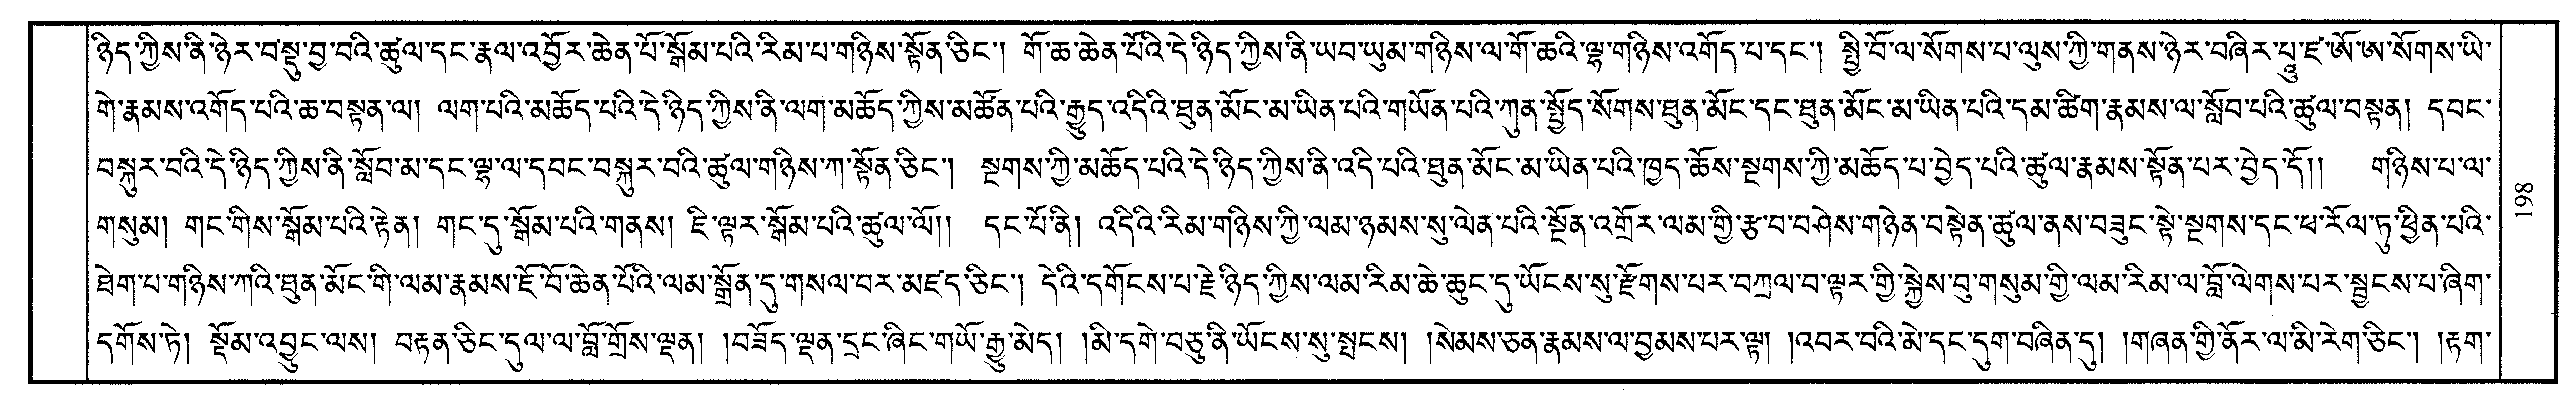ཉིད་ཀྱིས་ནི་ཉེར་བསྡུ་བྱ་བའི་ཚུལ་དང་རྣལ་འབྱོར་ཆེན་པོ་སྒོམ་པའི་རིམ་པ་གཉིས་སྟོན་ཅིང་། གོ་ཆ་ཆེན་པོའི་དེ་ཉིད་ཀྱིས་ནི་ཡབ་ཡུམ་གཉིས་ལ་གོ་ཆའི་ལྷ་གཉིས་འགོད་པ་དང་། སྤྱི་བོ་ལ་སོགས་པ་ལུས་ཀྱི་གནས་ཉེར་བཞིར་པཱུ་ཛ་ཨོ་ཨ་སོགས་ཡི་
གེ་རྣམས་འགོད་པའི་ཆ་བསྟན་ལ། ལག་པའི་མཆོད་པའི་དེ་ཉིད་ཀྱིས་ནི་ལག་མཆོད་ཀྱིས་མཚོན་པའི་རྒྱུད་འདིའི་ཐུན་མོང་མ་ཡིན་པའི་གཡོན་པའི་ཀུན་སྤྱོད་སོགས་ཐུན་མོང་དང་ཐུན་མོང་མ་ཡིན་པའི་དམ་ཚིག་རྣམས་ལ་སློབ་པའི་ཚུལ་བསྟན། དབང་
བསྐུར་བའི་དེ་ཉིད་ཀྱིས་ནི་སློབ་མ་དང་ལྷ་ལ་དབང་བསྐུར་བའི་ཚུལ་གཉིས་ཀ་སྟོན་ཅིང་། སྔགས་ཀྱི་མཆོད་པའི་དེ་ཉིད་ཀྱིས་ནི་འདི་པའི་ཐུན་མོང་མ་ཡིན་པའི་ཁྱད་ཆོས་སྔགས་ཀྱི་མཆོད་པ་བྱེད་པའི་ཚུལ་རྣམས་སྟོན་པར་བྱེད་དོ།། གཉིས་པ་ལ་
གསུམ། གང་གིས་སྒོམ་པའི་རྟེན། གང་དུ་སྒོམ་པའི་གནས། ཇི་ལྟར་སྒོམ་པའི་ཚུལ་ལོ།། དང་པོ་ནི། འདིའི་རིམ་གཉིས་ཀྱི་ལམ་ཉམས་སུ་ལེན་པའི་སྔོན་འགྲོར་ལམ་གྱི་རྩ་བ་བཤེས་གཉེན་བསྟེན་ཚུལ་ནས་བཟུང་སྟེ་སྔགས་དང་ཕ་རོལ་ཏུ་ཕྱིན་པའི་
ཐེག་པ་གཉིས་ཀའི་ཐུན་མོང་གི་ལམ་རྣམས་ཇོ་བོ་ཆེན་པོའི་ལམ་སྒྲོན་དུ་གསལ་བར་མཛད་ཅིང་། དེའི་དགོངས་པ་རྗེ་ཉིད་ཀྱིས་ལམ་རིམ་ཆེ་ཆུང་དུ་ཡོངས་སུ་རྫོགས་པར་བཀྲལ་བ་ལྟར་གྱི་སྐྱེས་བུ་གསུམ་གྱི་ལམ་རིམ་ལ་བློ་ལེགས་པར་སྦྱངས་པ་ཞིག་
དགོས་ཏེ། སྡོམ་འབྱུང་ལས། བརྟན་ཅིང་དུལ་ལ་བློ་གྲོས་ལྡན། །བཟོད་ལྡན་དྲང་ཞིང་གཡོ་རྒྱུ་མེད། །མི་དགེ་བཅུ་ནི་ཡོངས་སུ་སྤངས། །སེམས་ཅན་རྣམས་ལ་བྱམས་པར་ལྟ། །འབར་བའི་མེ་དང་དུག་བཞིན་དུ། །གཞན་གྱི་ནོར་ལ་མི་རེག་ཅིང་། །རྟག་